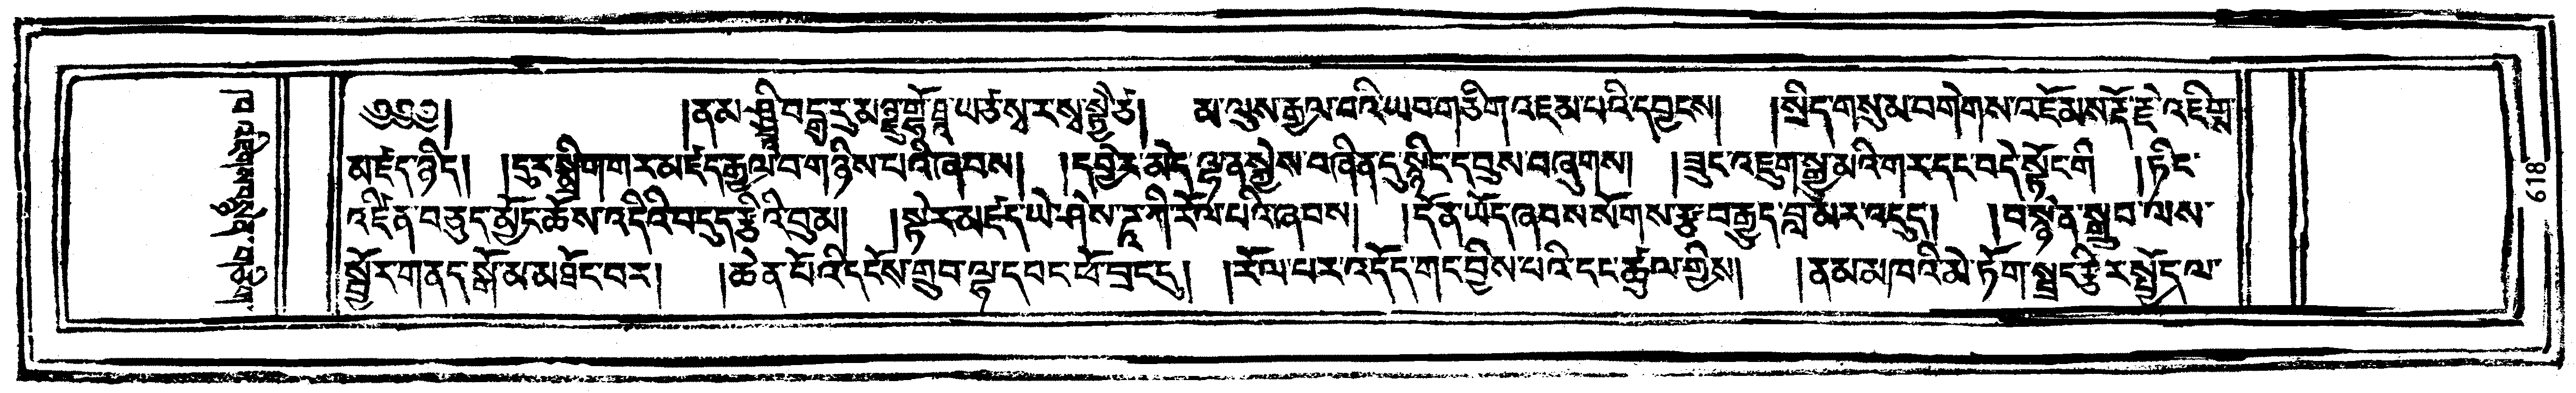༄༅༅། །ན་མ་ཤྴྦཱི་བངྒུ་རུ་མཉྫུ་གྷོ་ཥཱ་ཡ་ཙ་སྭ་ར་སྭ་སྟྱཻཨེ་ཙ། མ་ལུས་རྒྱལ་བའི་ཡབ་གཅིག་འཇམ་པའི་དབྱངས། །སྲིད་གསུམ་བགེགས་འཇོམས་རྡོ་རྗེ་འཇིགས་
མཛད་ཉིད། །དུར་སྨྲིག་གར་མཛད་རྒྱལ་བ་གཉིས་པའི་ཞབས། །དབྱེར་མེད་ལྷན་སྐྱེས་བཞིན་དུ་སྙིང་དབུས་བཞུགས། །ཟུང་འཇུག་སྒྱུ་མའི་གར་དང་བདེ་སྟོང་གི །ཏིང་
འཛིན་བཅུད་མྱོང་ཆོས་འདིའི་བདུད་རྩིའི་བུམ། །སྟེར་མཛད་ཡེ་ཤེས་ཌཱ་ཀི་རོལ་པའི་ཞབས། །དོན་ཡོད་ཞབས་སོགས་རྩ་བརྒྱུད་བླ་མར་འདུད། །བསྙེན་སྒྲུབ་ལས་
སྦྱོར་གནད་སྒོམ་མཐོང་བར། །ཆེན་པོའི་དངོས་གྲུབ་ལྷ་དབང་ཕོ་བྲང་དུ། །རོལ་པར་འདོད་གང་བྱིས་པའི་ངང་ཚུལ་གྱིས། །ནམ་མཁའི་མེ་ཏོག་སྦྲང་རྩིར་སྤྱོད་ལ་